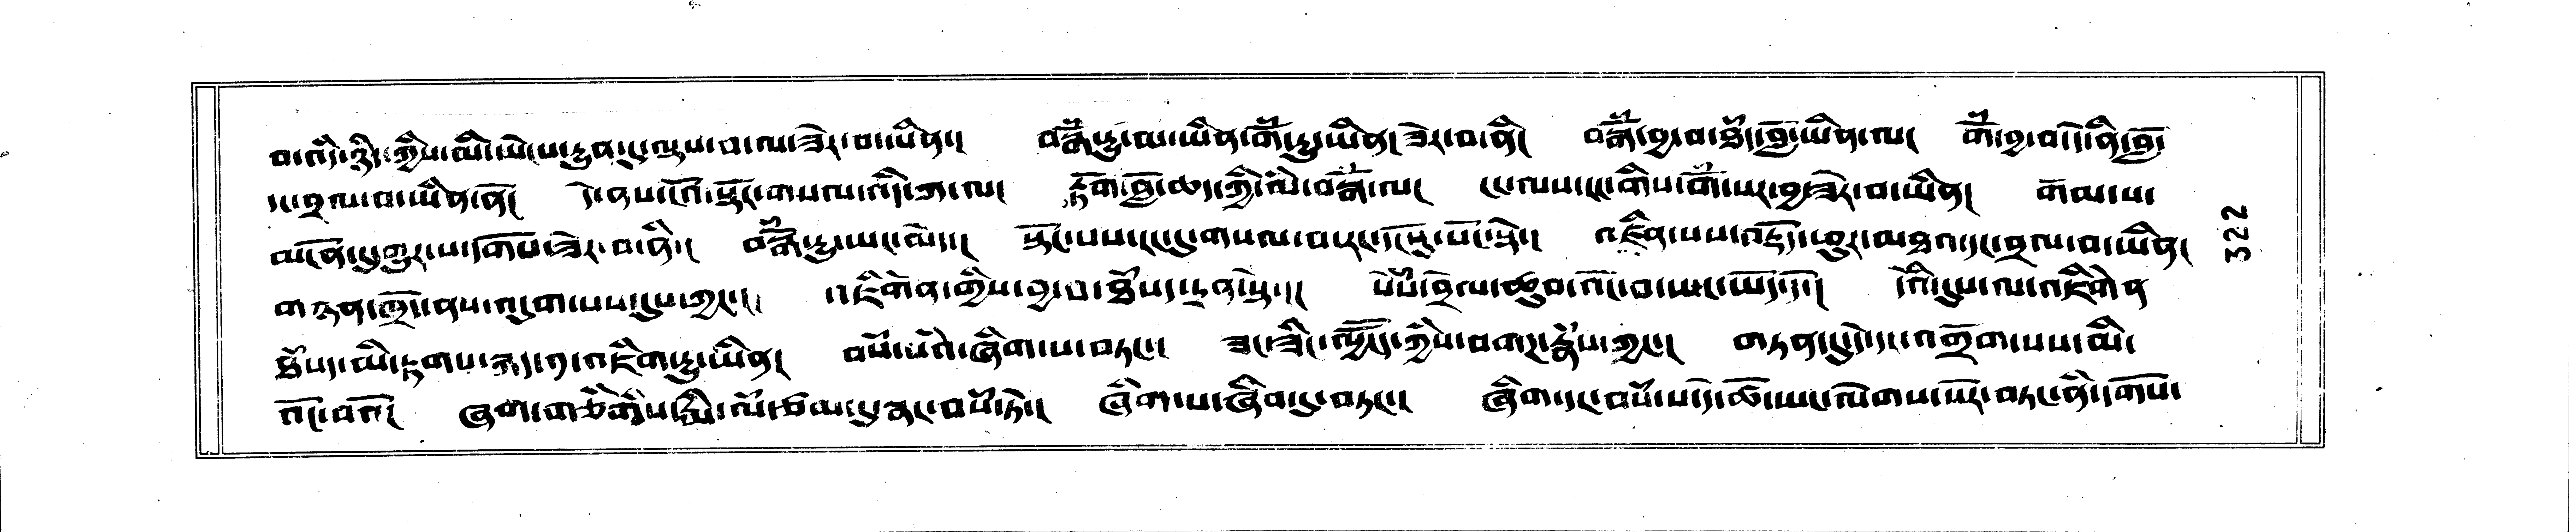བ་འདི་ཉིད་ཀྱིས།མ་ཡེངས་རྒྱུན་དུ་ལྟ་བ་ལ་ཟེར་བ་ཡིན། སྒོམ་རྒྱུ་མ་ཡིན་གོམ་རྒྱུ་ཡིན་ཟེར་བ་ནི། སྒོམ་བྱ་བ་ཐམས་ཅད་བློ་ཡིན་པས། གོམ་བྱ་བ་དེ་ནི་བློ་
དང་བྲལ་བ་ཡིན་ནོ། དེ་ནས་ངོའོ་སྟོང་གསལ་འདི་ཀ་ལས། རྟོག་བློ་ཆད་ཀྱིས་མི་སྒོམ་ལ། ངང་ལ་ངང་གིས་གོམ་པར་བྱ།ཟེར་བ་ཡིན། གོམ་པ་
མངོན་དུ་གྱུར་པ་དགོས་ཟེར་བ་ཏེ། རྒྱུ་གང་ཡང་མེད་དོ། སྟོང་པའི་ངང་དུ་གསལ་བ་རང་དངས་སུ་སོང་སྟེ། འཛིན་པའི་བརྟོད་ཕུར་གྲོལ་ཏེ་མཐའ་དང་བྲལ་བ་ཡིན།
གཉེན་ཁྲོད་ན་འདུག་པའི་དུས་ཀྱང་། འཇིག་རྟེན་གྱི་བྱ་བ་ཐམས་ཅད་དྲན་ཏེ་སེམས་བྲེལ་ཚུབས་སེ་བ་འོང་བ་ཡང་ཡོད་དོ། དེའི་དུས་ལ་འཇིག་རྟེན་
ཐམས་ཅད་མི་རྟག་སྐད་ཅིག་ལས། འཇིག་རྒྱུ་ཡིན་བསམ་པའི་གཞིག་པ་བཏང་། ཟང་ཟིང་ལོངས་སྤྱོད་ཀྱིས་བདག་པོ་ཅན་རྣམས་ཀྱང་། གཏན་དུ་དེ་དང་འགྲོག་པ་མི་
འོང་བྷོ་‘‘བའོ”། ཞག་ཅིག་གིས་རྨི་ལམ་ཙམ་སྣང་བསམ་སྟེ་གཞིག་པ་ཞིབ་དུ་བཏང་། གཞིག་པ་དང་བསམ་པ་དེ་ཚོ་ནི་ལེགས་པོར་བཏང་བ་ནི་དགོས་